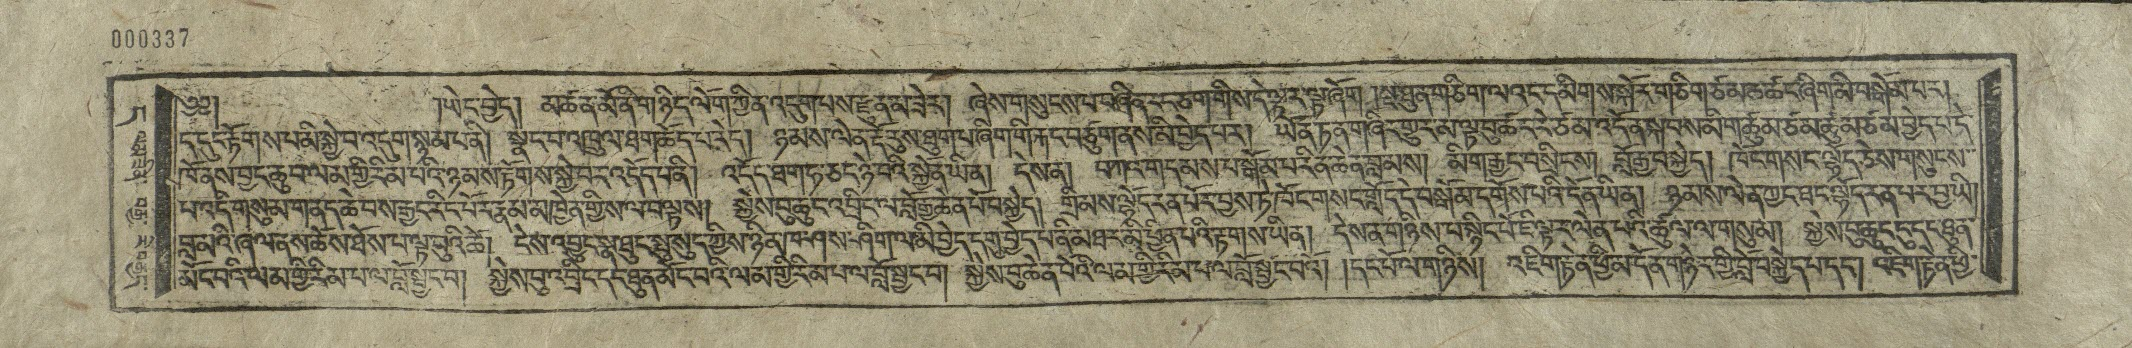༄༅། །ཡེང་བྱེད། མཚན་མོ་ནི་གཉིད་ལོག་ཀྱིན་འདུག་པས་རྫུན་མ་ཟེར། ཞེས་གསུངས་པ་བཞིན་རང་ཅག་གིས་དེ་ལྟར་ལྟ་ཞོག །སྔ་ཐུན་གཅིག་ལའང་དམིགས་སྐོར་གཅིག་ཙམ་ཆ་ཚང་ཞིག་མི་བསྒོམ་པར།
ད་དུང་རྟོགས་པ་མི་སྐྱེ་བ་འདུག་སྙམ་པ་ནི། སྣང་བ་འཁྲུལ་ཐག་ཆོད་པ་རེད། ཉམས་ལེན་རྡོ་རུས་ཐུག་པ་ཞིག་གི་རྐང་བཙུག་ནས་མི་བྱེད་པར། ཡོན་ཏན་གཞིར་གྱུར་མ་ལྟ་བུ་ཚར་རེ་ཙམ་འདོན་སྐབས་མིག་ཚུམ་ཙམ་ཚུམ་ཙམ་བྱེད་པ་དེ་
ཁོ་ནས་བྱང་ཆུབ་ལམ་གྱི་རིམ་པའི་ཉམས་རྟོགས་སྐྱེ་བར་འདོད་པ་ནི། འདོད་ཐག་ཧ་ཅང་ཉེ་བའི་སྐྱོན་ཡིན། དེས་ན། བཀའ་གདམས་པ་སྒོམ་པ་རིན་ཆེན་བླ་མས། མིག་རྒྱང་བསྲིངས། བློ་རྒྱ་བསྐྱེད། ཁོང་གསང་ལྷོད་ཅེས་གསུངས་
པ་འདི་གསུམ་གནད་ཆེ་བས་རྒྱང་རིང་པོར་རྣམ་མཁྱེན་གྱི་ས་ལ་བལྟས། སྐྱེས་བུ་ཆུང་འབྲིང་ལ་བློ་རྒྱ་ཆེན་པོ་བསྐྱེད། གྲིམས་ལྷོད་རན་པོར་བྱས་ཏེ་ཁོང་གསང་གློད་དེ་བསྒོམ་དགོས་པའི་དོན་ཡིན། ཉམས་ལེན་ཀྱང་ཐང་ལྷོད་རན་པར་བྱ་ཡི།
བླ་མའི་ཞལ་ནས་ཆོས་ཐོས་པ་ལྟ་བུའི་ཚེ། ངེས་འབྱུང་སྣ་ཐུང་སྤུ་སུད་ཀྱིས་ཉིན་ཁ་ཤས་ཤིག་ལ་མི་བྱེད་དགུ་བྱེད་པ་ནི་མཐར་མི་ཕྱིན་པའི་རྟགས་ཡིན། དེས་ན་གཉིས་པ་སྙིང་པོ་ཇི་ལྟར་ལེན་པའི་ཚུལ་ལ་གསུམ། སྐྱེས་བུ་ཆུང་ངུ་དང་ཐུན་
མོང་བའི་ལམ་གྱི་རིམ་པ་ལ་བློ་སྦྱང་བ། སྐྱེས་བུ་འབྲིང་དང་ཐུན་མོང་བའི་ལམ་གྱི་རིམ་པ་ལ་བློ་སྦྱང་བ། སྐྱེས་བུ་ཆེན་པོའི་ལམ་གྱི་རིམ་པ་ལ་བློ་སྦྱང་བའོ། །དང་པོ་ལ་གཉིས། འཇིག་རྟེན་ཕྱི་མ་དོན་གཉེར་གྱི་བློ་བསྐྱེད་པ་དང་། འཇིག་རྟེན་ཕྱི་